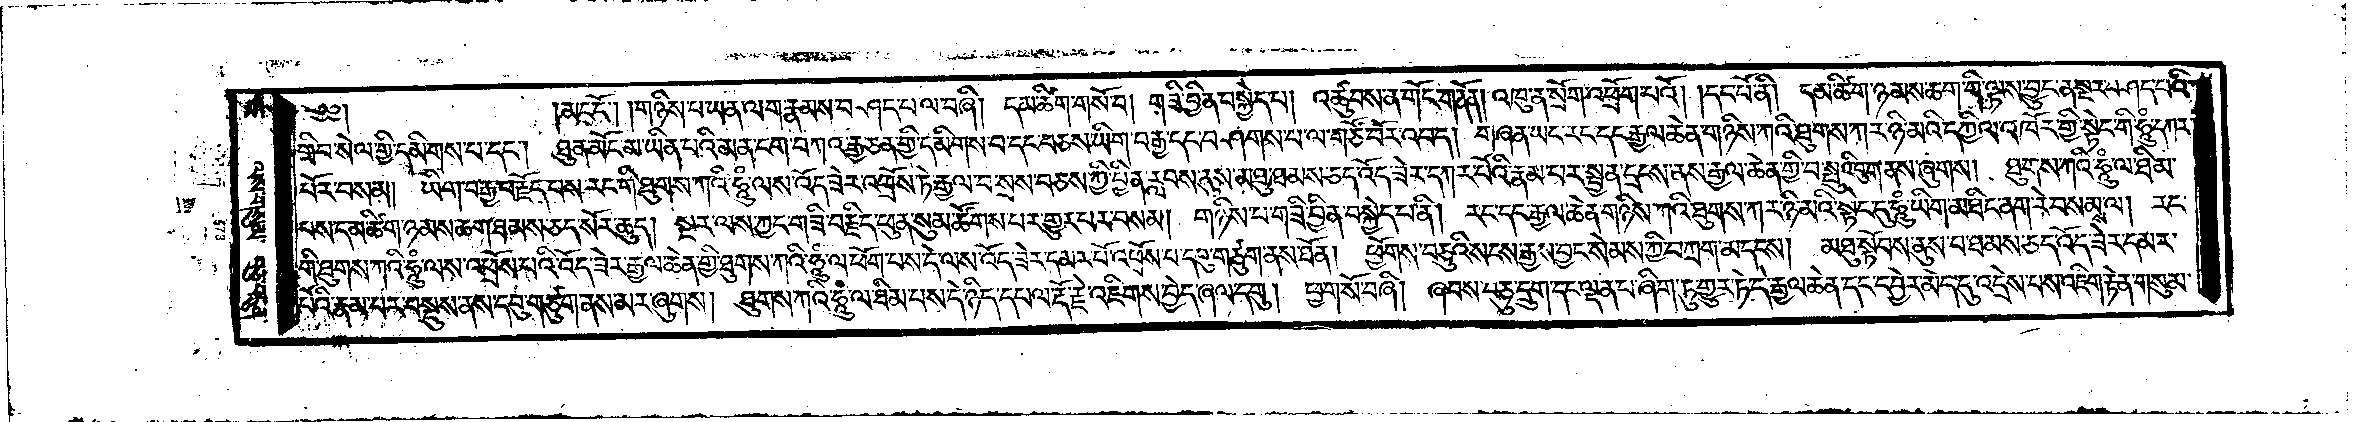༄༅། །མང་ངོ། །གཉིས་པ་ཡན་ལག་རྣམས་བཤད་པ་ལ་བཞི། དམ་ཚིག་གསོ་བ། གཟི་བྱིན་བསྐྱེད་པ། འཚུབས་ན་གོང་གནོན། འཁུ་ན་སྲོག་འཕྲོག་པའོ། །དང་པོ་ནི། དམ་ཚིག་ཉམས་ཆག་གི་ལྟས་བྱུང་ན་སྔར་བཤད་པའི་
གྲིབ་སེལ་གྱི་དམིགས་པ་དང་། ཐུན་མོང་མ་ཡིན་པའི་མན་ངག་བཀའ་རྒྱ་ཅན་གྱི་དམིགས་པ་དང་བཅས་ཡིག་བརྒྱ་དང་བཤགས་པ་ལ་གཙོ་བོར་འབད། གཞན་ཡང་རང་དང་རྒྱལ་ཆེན་གཉིས་ཀའི་ཐུགས་ཀར་ཉི་མའི་དཀྱིལ་འཁོར་གྱི་སྟེང་གི་ཧཱུཾ་དཀར་
པོར་བསམ། ཡིག་བརྒྱ་བརྗོད་པས་རང་གི་ཐུགས་ཀའི་ཧཱུཾ་ལས་འོད་ཟེར་འཕྲོས་ཏེ་རྒྱལ་བ་སྲས་བཅས་ཀྱི་བྱིན་རླབས་ནུས་མཐུ་ཐམས་ཅད་འོད་ཟེར་དཀར་པོའི་རྣམ་པར་སྤྱན་དྲངས་ནས་རྒྱལ་ཆེན་གྱི་བ་སྤུའི་བུ་གནས་ཞུགས། ཐུགས་ཀའི་ཧཱུཾ་ལ་ཐིམ་
པས་དམ་ཚིག་ཉམས་ཆག་ཐམས་ཅད་སོར་ཆུད། སྔར་ལས་ཀྱང་གཟི་བརྗིད་ཕུན་སུམ་ཚོགས་བར་གྱུར་པར་བསམ། གཉིས་པ་གཟི་བྱིན་བསྐྱེད་པ་ནི། རང་དང་རྒྱལ་ཆེན་གཉིས་ཀའི་ཐུགས་ཀར་ཉི་མའི་སྟེང་དུ་ཧཱུཾ་ཡིག་མཐིང་ནག་རེ་བསམས་ལ། རང་
གི་ཐུགས་ཀའི་ཧཱུཾ་ལས་འཕྲོས་པའི་འོད་ཟེར་རྒྱལ་ཆེན་གྱི་ཐུགས་ཀའི་ཧཱུཾ་ལ་ཕོག་པས་དེ་ལས་འོད་ཟེར་དམར་པོ་འཕྲོས་པ་དབུ་གཙུག་ནས་ཐོན། ཕྱོགས་བཅུའི་སངས་རྒྱས་བྱང་སེམས་ཀྱི་བཀྲག་མདངས། མཐུ་སྟོབས་ནུས་པ་ཐམས་ཅད་འོད་ཟེར་དམར་
པོའི་རྣམ་པར་བསྡུས་ནས་དབུ་གཙུག་ནས་མར་ཞུགས། ཐུགས་ཀའི་ཧཱུཾ་ལ་ཐིམ་པས་དེ་ཉིད་དཔལ་རྡོ་རྗེ་འཇིགས་བྱེད་ཞལ་དགུ། ཕྱག་སོ་བཞི། ཞབས་བཅུ་དྲུག་དང་ལྡན་པ་ཞིག་ཏུ་གྱུར་ཏེ་དེ་རྒྱལ་ཆེན་དང་དབྱེར་མེད་དུ་འདྲེས་པས་འཇིག་རྟེན་གསུམ་